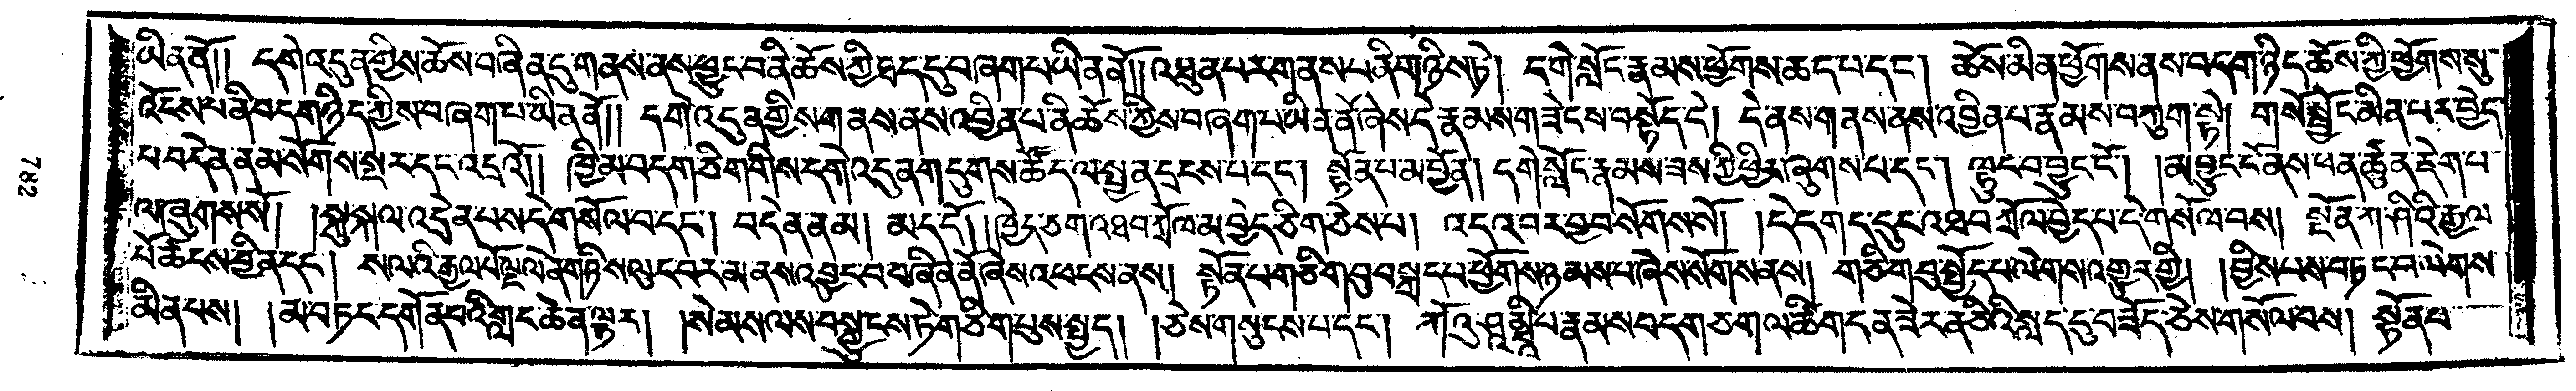ཡིན་ནོ།། དགེ་འདུན་གྱིས་ཆོས་བཞིན་དུ་གནས་ནས་ཕྱུང་བ་ནི་ཆོས་ཀྱི་ཐད་དུ་བཞག་པ་ཡིན་ནོ།། འཐུན་པར་གནས་པ་ནི་གཉིས་ཏེ། དགེ་སློང་རྣམས་ཕྱོགས་ཆད་པ་དང་། ཆོས་མིན་ཕྱོགས་ནས་བདག་ཉིད་ཆོས་ཀྱི་ཕྱོགས་སུ་
འོངས་པ་ནི་བདག་ཉིད་ཀྱིས་བཞག་པ་ཡིན་ནོ།། དགེ་འདུན་གྱིས་གནས་ནས་འབྱིན་པ་ནི་ཆོས་ཀྱིས་བཞག་པ་ཡིན་ནོ་ཞེས་དེ་རྣམས་གཟེངས་བསྟོད་དེ། དེ་ནས་གནས་ནས་འབྱིན་པ་རྣམས་བཀུག་སྟེ། གསོ་སྦྱོང་མིན་པར་བྱེད་
པ་བདེན་ནམ་སོགས་སྔར་དང་འདྲའོ།། ཁྱིམ་བདག་ཅིག་གིས་དགེ་འདུན་གདུགས་ཚོད་ལ་སྤྱན་དྲངས་པ་དང་། སྟོན་པ་མ་བྱོན། དགེ་སློང་རྣམས་ཟས་ཀྱི་ཕྱིར་ཞུགས་པ་དང་། ལྟུང་བ་བྱུང་ངོ། །མ་བྱུང་ངོ་ནས་ཕན་ཚུན་རྡེག་པ་
ལ་ཞུགས་སོ། །སྐུ་སྐལ་འདྲེན་པས་དེ་གསོལ་བ་དང་། བདེན་ནམ། མད་དོ། །ཁྱེད་ཅག་འཐབ་ཀྲོལ་མ་བྱེད་ཅིག་ཅེས་པ། འདའ་བར་བྱ་བ་སོགས་སོ། །དེ་དགད་དུང་འཐབ་ཀྲོལ་བྱེད་པ་དེ་གསོལ་བས། སྔོན་ཀ་ཤིའི་རྒྱལ་
པོ་ཚངས་བྱིན་དང་། ས་ལའི་རྒྱལ་པོ་ལྔ་ལེན་གཉིས་ལུང་བར་མ་ནས་འབྱུང་བ་བཞིན་ནོ་ཞེས་འཕངས་ནས། སྟོན་པ་གཅིག་བུ་བསྐྲད་པ་ཕྱོགས་ཉམས་པ་ཞེས་སོགས་ནས། གཅིག་བུ་སྤྱོད་པ་ལེགས་འགྱུར་གྱི། །བྱིས་པས་བཏང་བ་ལེགས་
མིན་པས། །མ་བཏང་དགོན་པའི་གླང་ཆེན་ལྟར། །སེམས་ལས་བསྐྱུངས་ཏེ་གཅིག་པུས་སྤྱད། །ཅེས་གསུངས་པ་དང་། ཀོའུ་ཤཱམྦཱི་པ་རྣམས་བདག་ཅག་ལ་ཚིག་ངན་ཟེར་ན་ཅིའི་སླད་དུ་བཟོད་ཅེས་གསོལ་བས། སྟོན་པ་